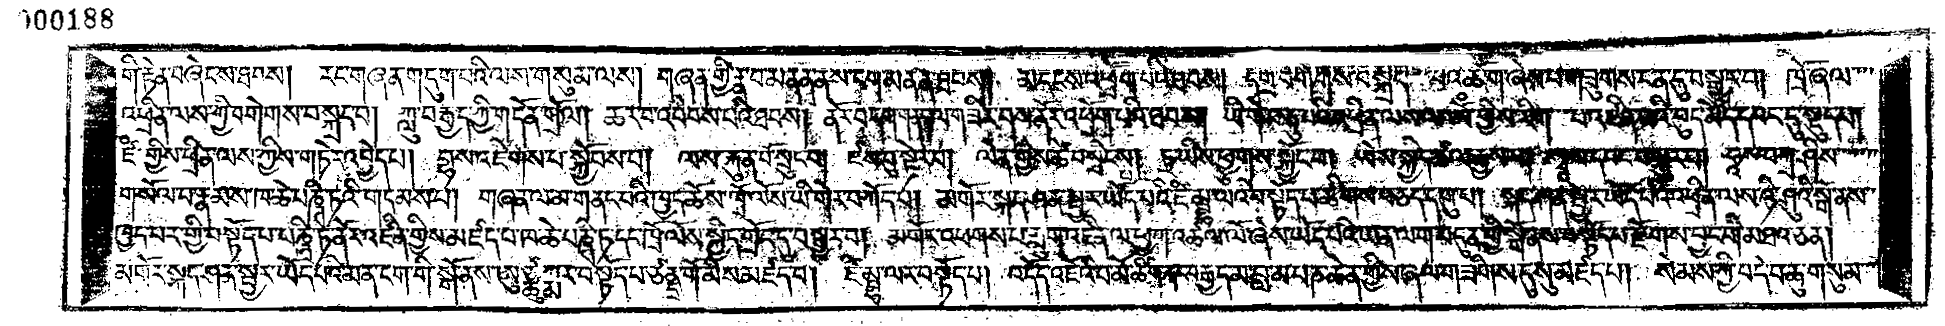གི་རྟེན་བཞེངས་ཐབས། རང་གཞན་གདུག་པའི་ལས་གསུམ་ལས། གཞན་གྱི་རྣ་བ་མནན་ནས་ངག་མནན་ཐབས། མདངས་འཕྲོག་པའི་ཐབས། དགྲ་བགེགས་བསྐྲད་པའི་ཆོ་ག་ཞེས་པ་གཟུགས་ངན་དུ་བསྒྱུར་བ། ཁྲོ་ཞལ་
འཕྲིན་ལས་ཀྱི་བགེགས་བསྐྲད་བ། ཀླུ་བརྒྱད་ཀྱི་གདོན་གྲོལ། ཆར་བ་འབེབས་པའི་ཐབས། ནོར་བདག་གནད་ལ་གཟིར་བས་ནོར་འཕྲོག་པའི་ཐབས། ཡི་གེ་བཅུ་པའི་འཕྲིན་ལས་ལ་ཨོཾ་གྱིས་རིག་པ་འཛིན་པའི་བུད་མེད་དབང་དུ་སྡུད་པ།
ཛཾ་གྱིས་ཕྲིན་ལས་ཀྱིས་གཏེར་འབྱེད་པ། བྷས་འཇིགས་པ་སྐྱོབས་པ། ལས་རྐུན་པོ་སྲུང་བ། ཛས་བུ་སྟེར་བ། ལེན་གྱིས་ཚེ་བསྲིང་། ཏྲ་ཡིས་ཕྱུགས་སྐྱོང་བ། ཡེས་སྐྱིད་ཚལ་རྒྱས་པ། སྭཱས་དབང་བསྐུར་བ། ཧཱས་བཀྲ་ཤིས་
གསོལ་བ་རྣམས་ཁ་ཆེ་པཎྚི་ཏའི་གདམས་པ། གཞན་ལ་མ་གནང་བའི་ཁྱད་ཆོས་ཁྲོ་ལོས་ཡི་གེར་བཀོད་པ། མགོར་སྐད་ཤན་སྦྱར་ཡོད་པའི་ཛཾ་མྦྷ་ལའི་བསྟོད་པ་ཚིགས་བཅད་དགུ་པ། སྐད་ཤན་སྦྱར་ཡོད་པའི་འཕྲིན་ལས་ཉི་ཤུའི་སྒོ་ནས་
ཁྱད་པར་གྱི་བསྟོད་པ་པཎྚི་ཏ་ནོར་འཛིན་གྱིས་མཛད་པ་ཁ་ཆེ་པཎྚི་ཏ་དང་ཁྲོ་ལོས་སྐྱིད་གྲོང་དུ་བསྒྱུར་བ། མགོར་འཕགས་པ་རྨུག་འཛིན་ལ་ཕྱག་འཚལ་ལོ་ཞེས་ཡོད་པའི་ཡན་ལག་བདུན་གྱི་སྒོ་ནས་བསྟོད་པ་རྫོགས་བྱང་གི་མཐའ་ཅན།
མགོར་སྐད་ཤན་སྦྱར་ཡོད་པའི་མན་ངག་གི་སྒོ་ནས་ཨུཙྪུཀྨར་བསྟོད་པ་ཙནྡྲ་གོ་མིས་མཛད་པ། ཛཾ་མྦྷ་ལར་བསྟོད་པ། འདོད་འཇོའི་བ་མོ་ཚིག་རྐང་བརྒྱད་མ་བླ་མ་པཎ་ཆེན་གྱིས་ཞལ་གཟིགས་དུསུ་མཛད་པ། སེམས་ཀྱི་བདེ་བ་ཆུ་གསུམ་